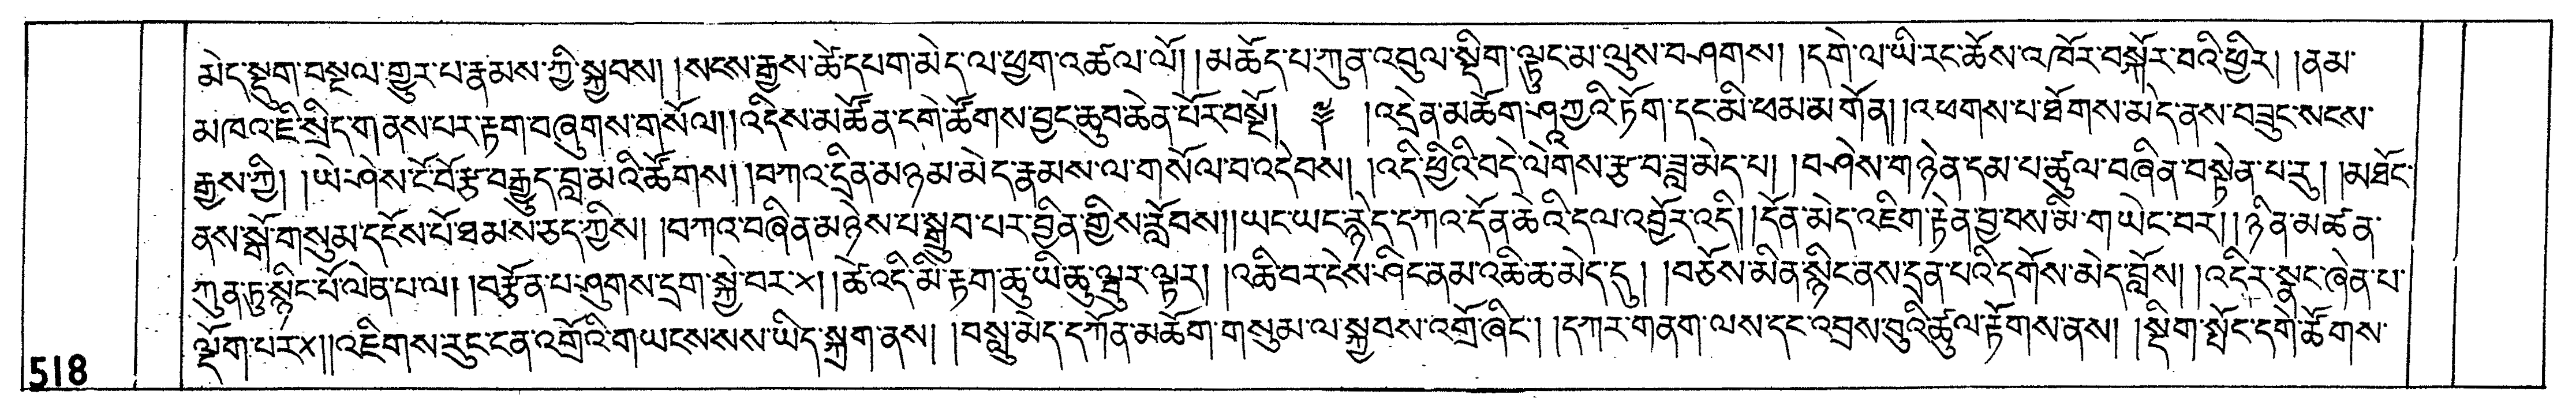མེད་སྡུག་བསྔལ་གྱུར་པ་རྣམས་ཀྱི་སྐྱབས། །སངས་རྒྱས་ཚེ་དཔག་མེད་ལ་ཕྱག་འཚལ་ལོ། །མཆོད་པ་ཀུན་འབུལ་སྡིག་ལྟུང་མ་ལུས་བཤགས། །དགེ་ལ་ཡི་རང་ཆོས་འཁོར་བསྐོར་བའི་ཕྱིར། །ནམ་
མཁའ་ཇི་སྲིད་གནས་པར་རྟག་བཞུགས་གསོལ། །འདིས་མཚོན་དགེ་ཚོགས་བྱང་ཆུབ་ཆེན་པོར་བསྔོ། ༈ །འདྲེན་མཆོག་ཤཱཀྱའི་ཏོག་དང་མི་ཕམ་མགོན། །འཕགས་པ་ཐོགས་མེད་ནས་བཟུང་སངས་
རྒྱས་ཀྱི། །ཡེ་ཤེས་ངོ་བོ་རྩ་བརྒྱུད་བླ་མའི་ཚོགས། །བཀའ་དྲིན་མཉམ་མེད་རྣམས་ལ་གསོལ་བ་འདེབས། །འདི་ཕྱིའི་བདེ་ལེགས་རྩ་བ་ཟླ་མེད་པ། །བཤེས་གཉེན་དམ་པ་ཚུལ་བཞིན་བསྟེན་པ་རུ། །མཐོང་
ནས་སྒོ་གསུམ་དངོས་པོ་ཐམས་ཅད་ཀྱིས། །བཀའ་བཞིན་མཉེས་པ་སྒྲུབ་པར་བྱིན་གྱིས་རློབས། །ཡང་ཡང་རྙེད་དཀའ་དོན་ཆེའི་དལ་འབྱོར་འདི། །དོན་མེད་འཇིག་རྟེན་བྱ་བས་མི་གཡེང་བར། །ཉིན་མཚན་
ཀུན་ཏུ་སྙིང་པོ་ལེན་པ་ལ། །བརྩོན་པ་ཤུགས་དྲག་སྐྱེ་བར་྾། །ཚེ་འདི་མི་རྟག་ཆུ་ཡི་ཆུ་ལྦུར་ལྟར། །འཆི་བར་ངེས་ཤིང་ནམ་འཆི་ཆ་མེད་དུ། །བཅོས་མིན་སྙིང་ནས་དྲན་པའི་དགོས་མེད་བློས། །འདིར་སྣང་ཞེན་པ་
ལྡོག་པར་྾། །འཇིགས་རུང་ངན་འགྲོའི་གཡངས་སས་ཡིད་སྐྲག་ནས། །བསླུ་མེད་དཀོན་མཆོག་གསུམ་ལ་སྐྱབས་འགྲོ་ཞིང་། །དཀར་གནག་ལས་དང་འབྲས་བུའི་ཚུལ་རྟོགས་ནས། །སྡིག་སྤོང་དགེ་ཚོགས་